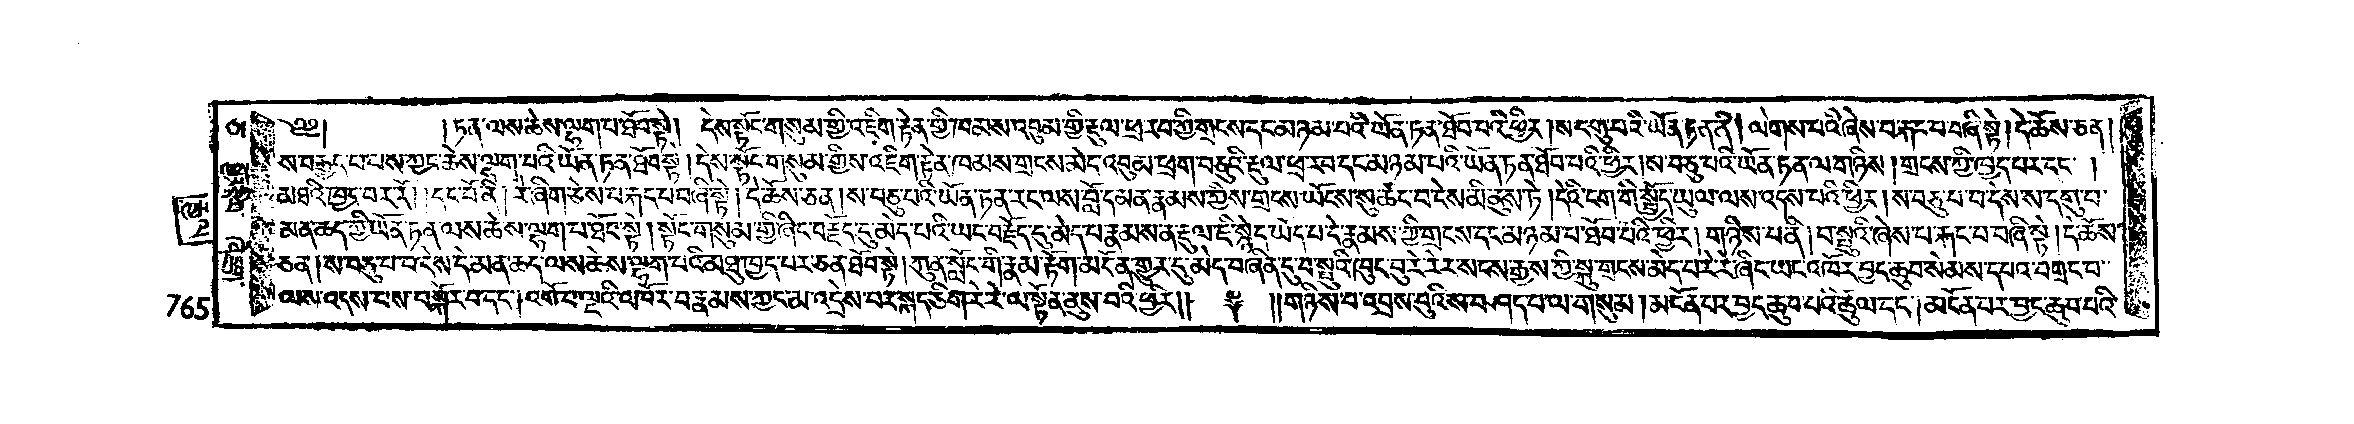༄༅། །ཏན་ལས་ཆེས་ལྷག་པ་ཐོབ་སྟེ། དེས་སྟོང་གསུམ་གྱི་འཇིག་རྟེན་གྱི་ཁམས་འབུམ་གྱི་རྡུལ་ཕྲ་རབ་ཀྱི་གྲངས་དང་མཉམ་པའི་ཡོན་ཏན་ཐོབ་པའི་ཕྱིར། ས་དགུ་པའི་ཡོན་ཏན་ནི། ལེགས་པའི་ཞེས་པ་རྐང་པ་བཞི་སྟེ། དེ་ཆོས་ཅན།
ས་བརྒྱད་པ་པས་ཀྱང་ཆེས་ལྷག་པའི་ཡོན་ཏན་ཐོབ་སྟེ། དེས་སྟོང་གསུམ་གྱིས་འཇིག་རྟེན་ཁམས་གྲངས་མེད་འབུམ་ཕྲག་བཅུའི་རྡུལ་ཕྲ་རབ་དང་མཉམ་པའི་ཡོན་ཏན་ཐོབ་པའི་ཕྱིར། ས་བཅུ་པའི་ཡོན་ཏན་ལ་གཉིས། གྲངས་ཀྱི་ཁྱད་པར་དང་།
མཐའི་ཁྱད་པར་རོ། །དང་པོ་ནི། རེ་ཞིག་ཅེས་པ་རྐང་པ་བཞི་སྟེ། དེ་ཆོས་ཅན། ས་བཅུ་པའི་ཡོན་ཏན་རང་ལས་བློ་དམན་རྣམས་ཀྱིས་གྲངས་ཡོངས་སུ་ཚང་བ་ངེས་མི་ནུས་ཏེ། དེའི་ངག་གི་སྤྱོད་ཡུལ་ལས་འདས་པའི་ཕྱིར། ས་བཅུ་པ་བ་དེས་ས་དགུ་པ་
མན་ཆད་ཀྱི་ཡོན་ཏན་ལས་ཆེས་ལྷག་པ་ཐོབ་སྟེ། སྟོང་གསུམ་གྱི་ཞིང་བརྗོད་དུ་མེད་པའི་ཡང་བརྗོད་དུ་མེད་པ་རྣམས་ན་རྡུལ་ཇི་སྙེད་ཡོད་པ་དེ་རྣམས་ཀྱི་གྲངས་དང་མཉམ་པ་ཐོབ་པའི་ཕྱིར། གཉིས་པ་ནི། བ་སྤུའི་ཞེས་པ་རྐང་པ་བཞི་སྟེ། དེ་ཆོས་
ཅན། ས་བཅུ་པ་བ་དེས་དེ་མན་ཆད་ལས་ཆེས་ལྷག་པའི་མཐུ་ཁྱད་པར་ཅན་ཐོབ་སྟེ། ཀུན་སློང་གི་རྣམ་རྟོག་མངོན་གྱུར་དུ་མེད་བཞིན་དུ་བ་སྤུའི་ཁུང་བུ་རེ་རེར་སངས་རྒྱས་ཀྱི་སྐུ་གྲངས་མེད་པ་རེ་རེ་ཞིང་ཡང་འཁོར་བྱང་ཆུབ་སེམས་དཔའ་བགྲང་བ་
ལས་འདས་པས་བསྐོར་བ་དང་། འགྲོ་བ་ལྔའི་འཁོར་བ་རྣམས་ཀྱང་མ་འདྲེས་པར་སྐད་ཅིག་རེ་རེ་ལ་སྟོན་ནུས་པའི་ཕྱིར།། ༈ །།གཉིས་པ་འབྲས་བུའི་ས་བཤད་པ་ལ་གསུམ། མངོན་པར་བྱང་ཆུབ་པའི་ཚུལ་དང་། མངོན་པར་བྱང་ཆུབ་པའི་